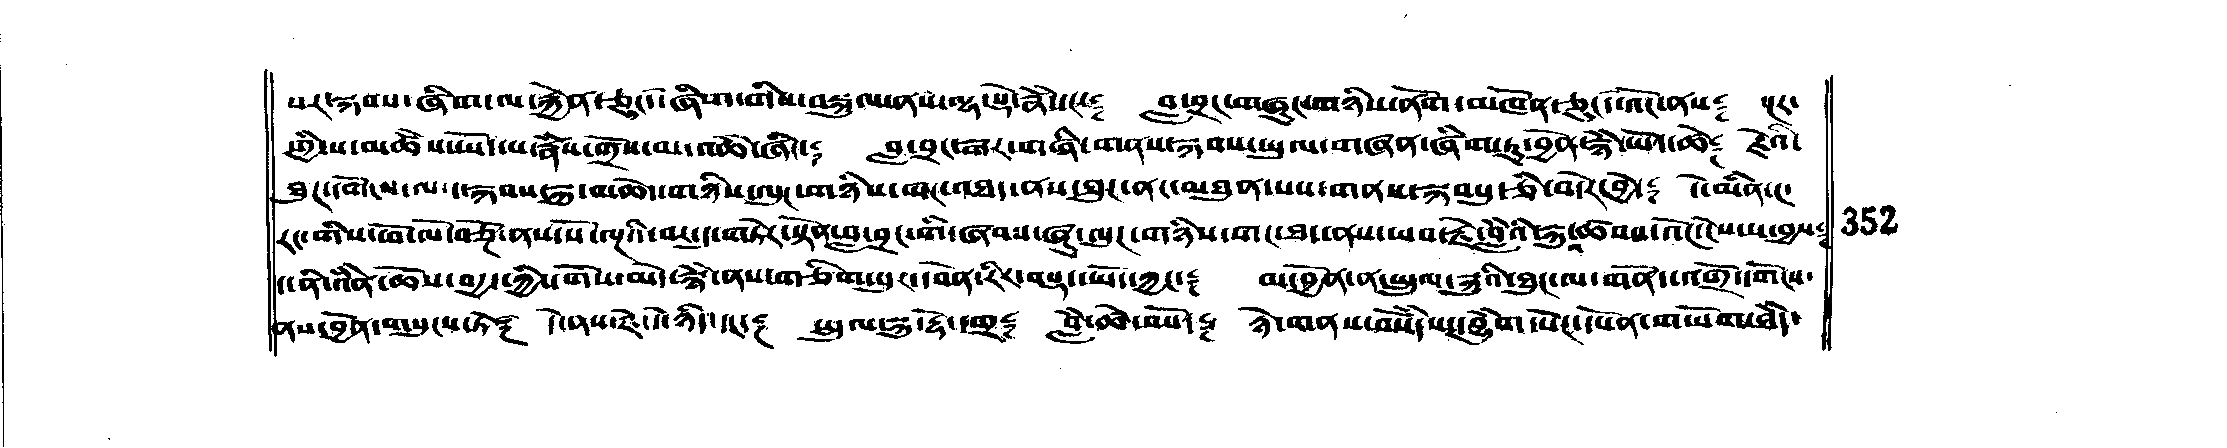བར་སྐབས་ཞིག་ལ་རྐྱེན་ཅུང་ཟད་ཞིག་གིས་བསྐུལ་ནས་ལྷ་སྡེ་རྣམས་དང་། བླ་བྲང་གཞུང་གཉིས་ནང་ལོག་མཁོན་ཅུང་ཟད་འོང་ནས། སྔར་
གྱི་ས་མཚམས་ཡོད་པ་རྣམས་གྲོས་མ་འཆམ་ཞིང་། བླ་བྲང་སྒར་གཞིས་གནས་སྐབས་ཡུལ་གཞན་ཞིག་ཏུ་བྱོན་སྙམ་ཡོད་ཚེ། རྗེའི་
ཐུགས་དགོངས་ལ་ད་སྐབས་སྐུ་མཆེད་གཉིས་ལུགས་གཉིས་གང་ཐད་ནས་ཐུགས་ནང་མཐུན་པས་གནས་སྐབས་སུ་ཅི་བདེར་བྱེད། དེ་མིན་ང་
རང་གིས་ཕོ་ལོ་བཅོ་ལྔ་ནས་སོ་ལྔའི་བར་དུ་གཏེར་སྟོན་བླ་བྲང་གི་ཞབས་ཞུ་ལུགས་གཉིས་གང་ཐད་ནས་ཡབ་རྗེ་བླ་མའི་སྐུ་ཚབ་འོང་ངེས་པ་བྱས། 
ད་ནི་འཇིག་རྟེན་ཆོས་བརྒྱད་ཀྱི་དགོས་མེད་སྙམ་ནས་གཅིག་པུར་དབེན་རིར་བསྡད་ཡོད་ཀྱང་། མ་བྱོན་ན་སྤྲུལ་སྐུའི་ཐུགས་ལ་གནོད་འགྲོ་དགོངས་
ནས་བྱོན་གསུངས་ཏེ། དེ་ནས་རྗེ་དེ་ཉིད་དང་། སྤྲུལ་སྐུ་རྡོ་དགྲ། བླ་མ་ཚེ་བསོད། ཉེ་གནས་བསོད་ནམས་དབང་ཕྱུག་ལ་སོགས་དཔོན་གཡོག་ཐམས་ཅད་